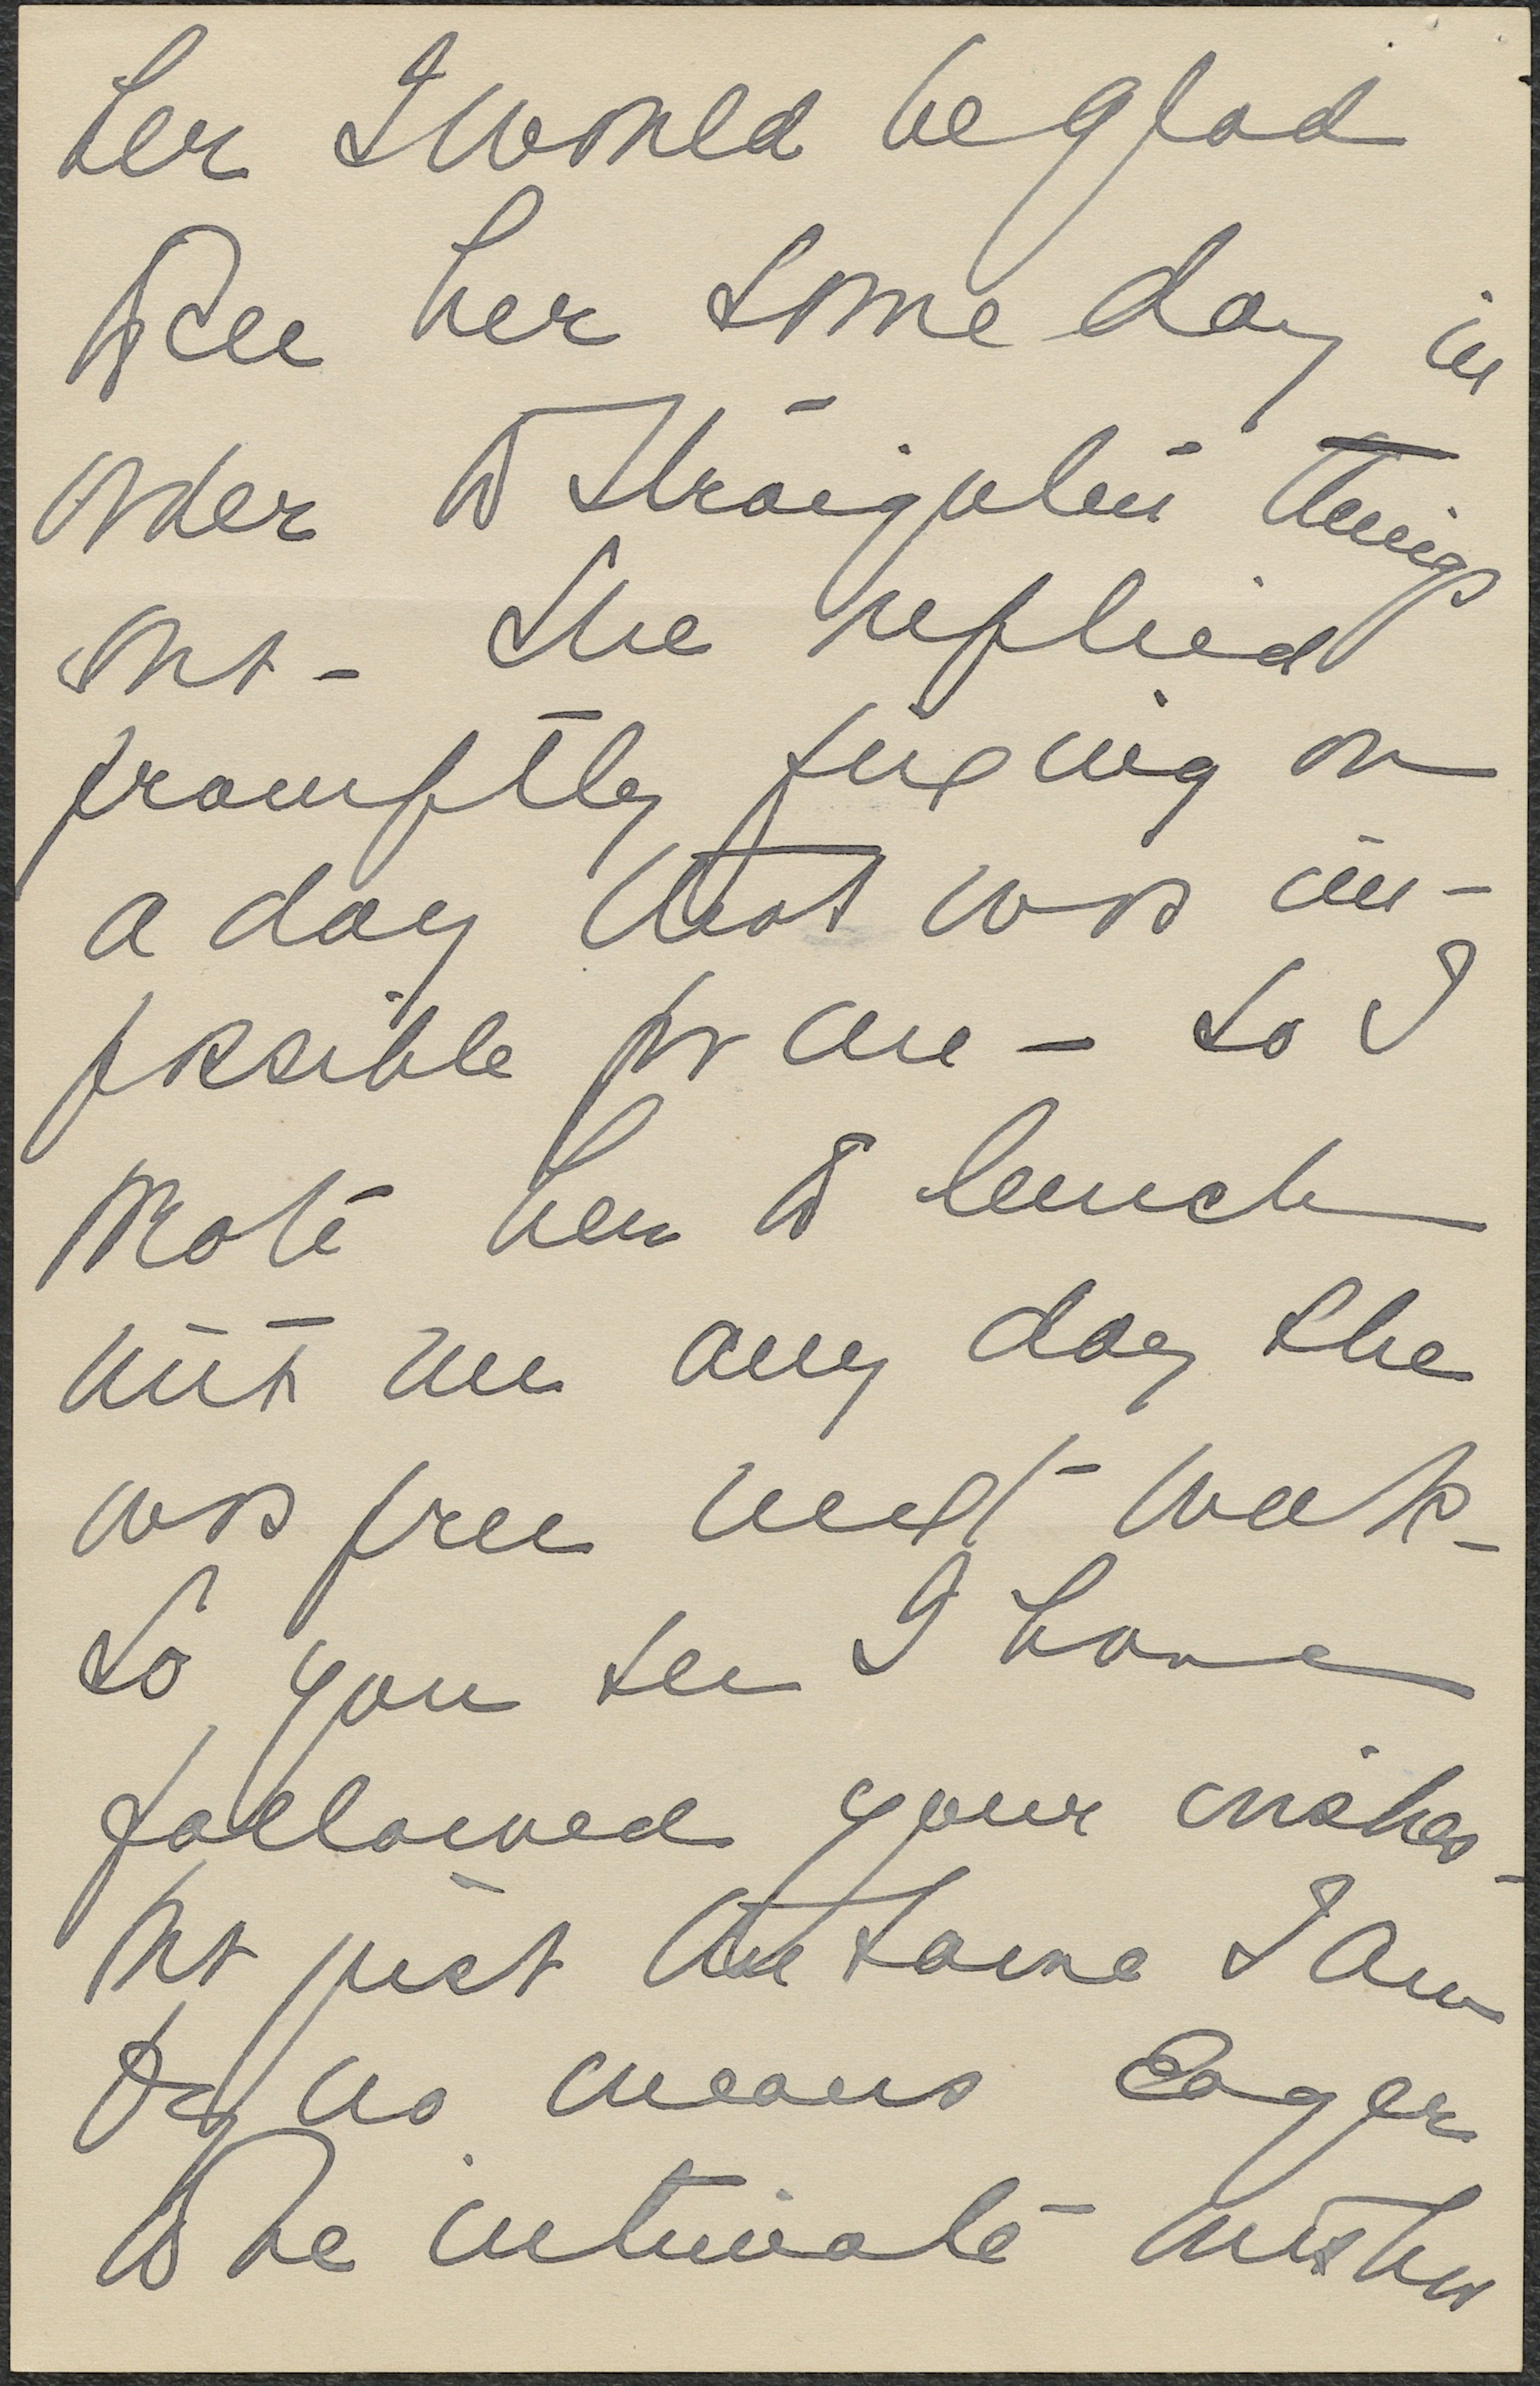her I would be glad to see her some day in order to straighten things out – She replied promptly fixing on a day that was impossible for me – so I wrote her to lunch with me any day she was free next week – So you see I have followed your wishes – but just the same I am by no means eager to be intimate with her